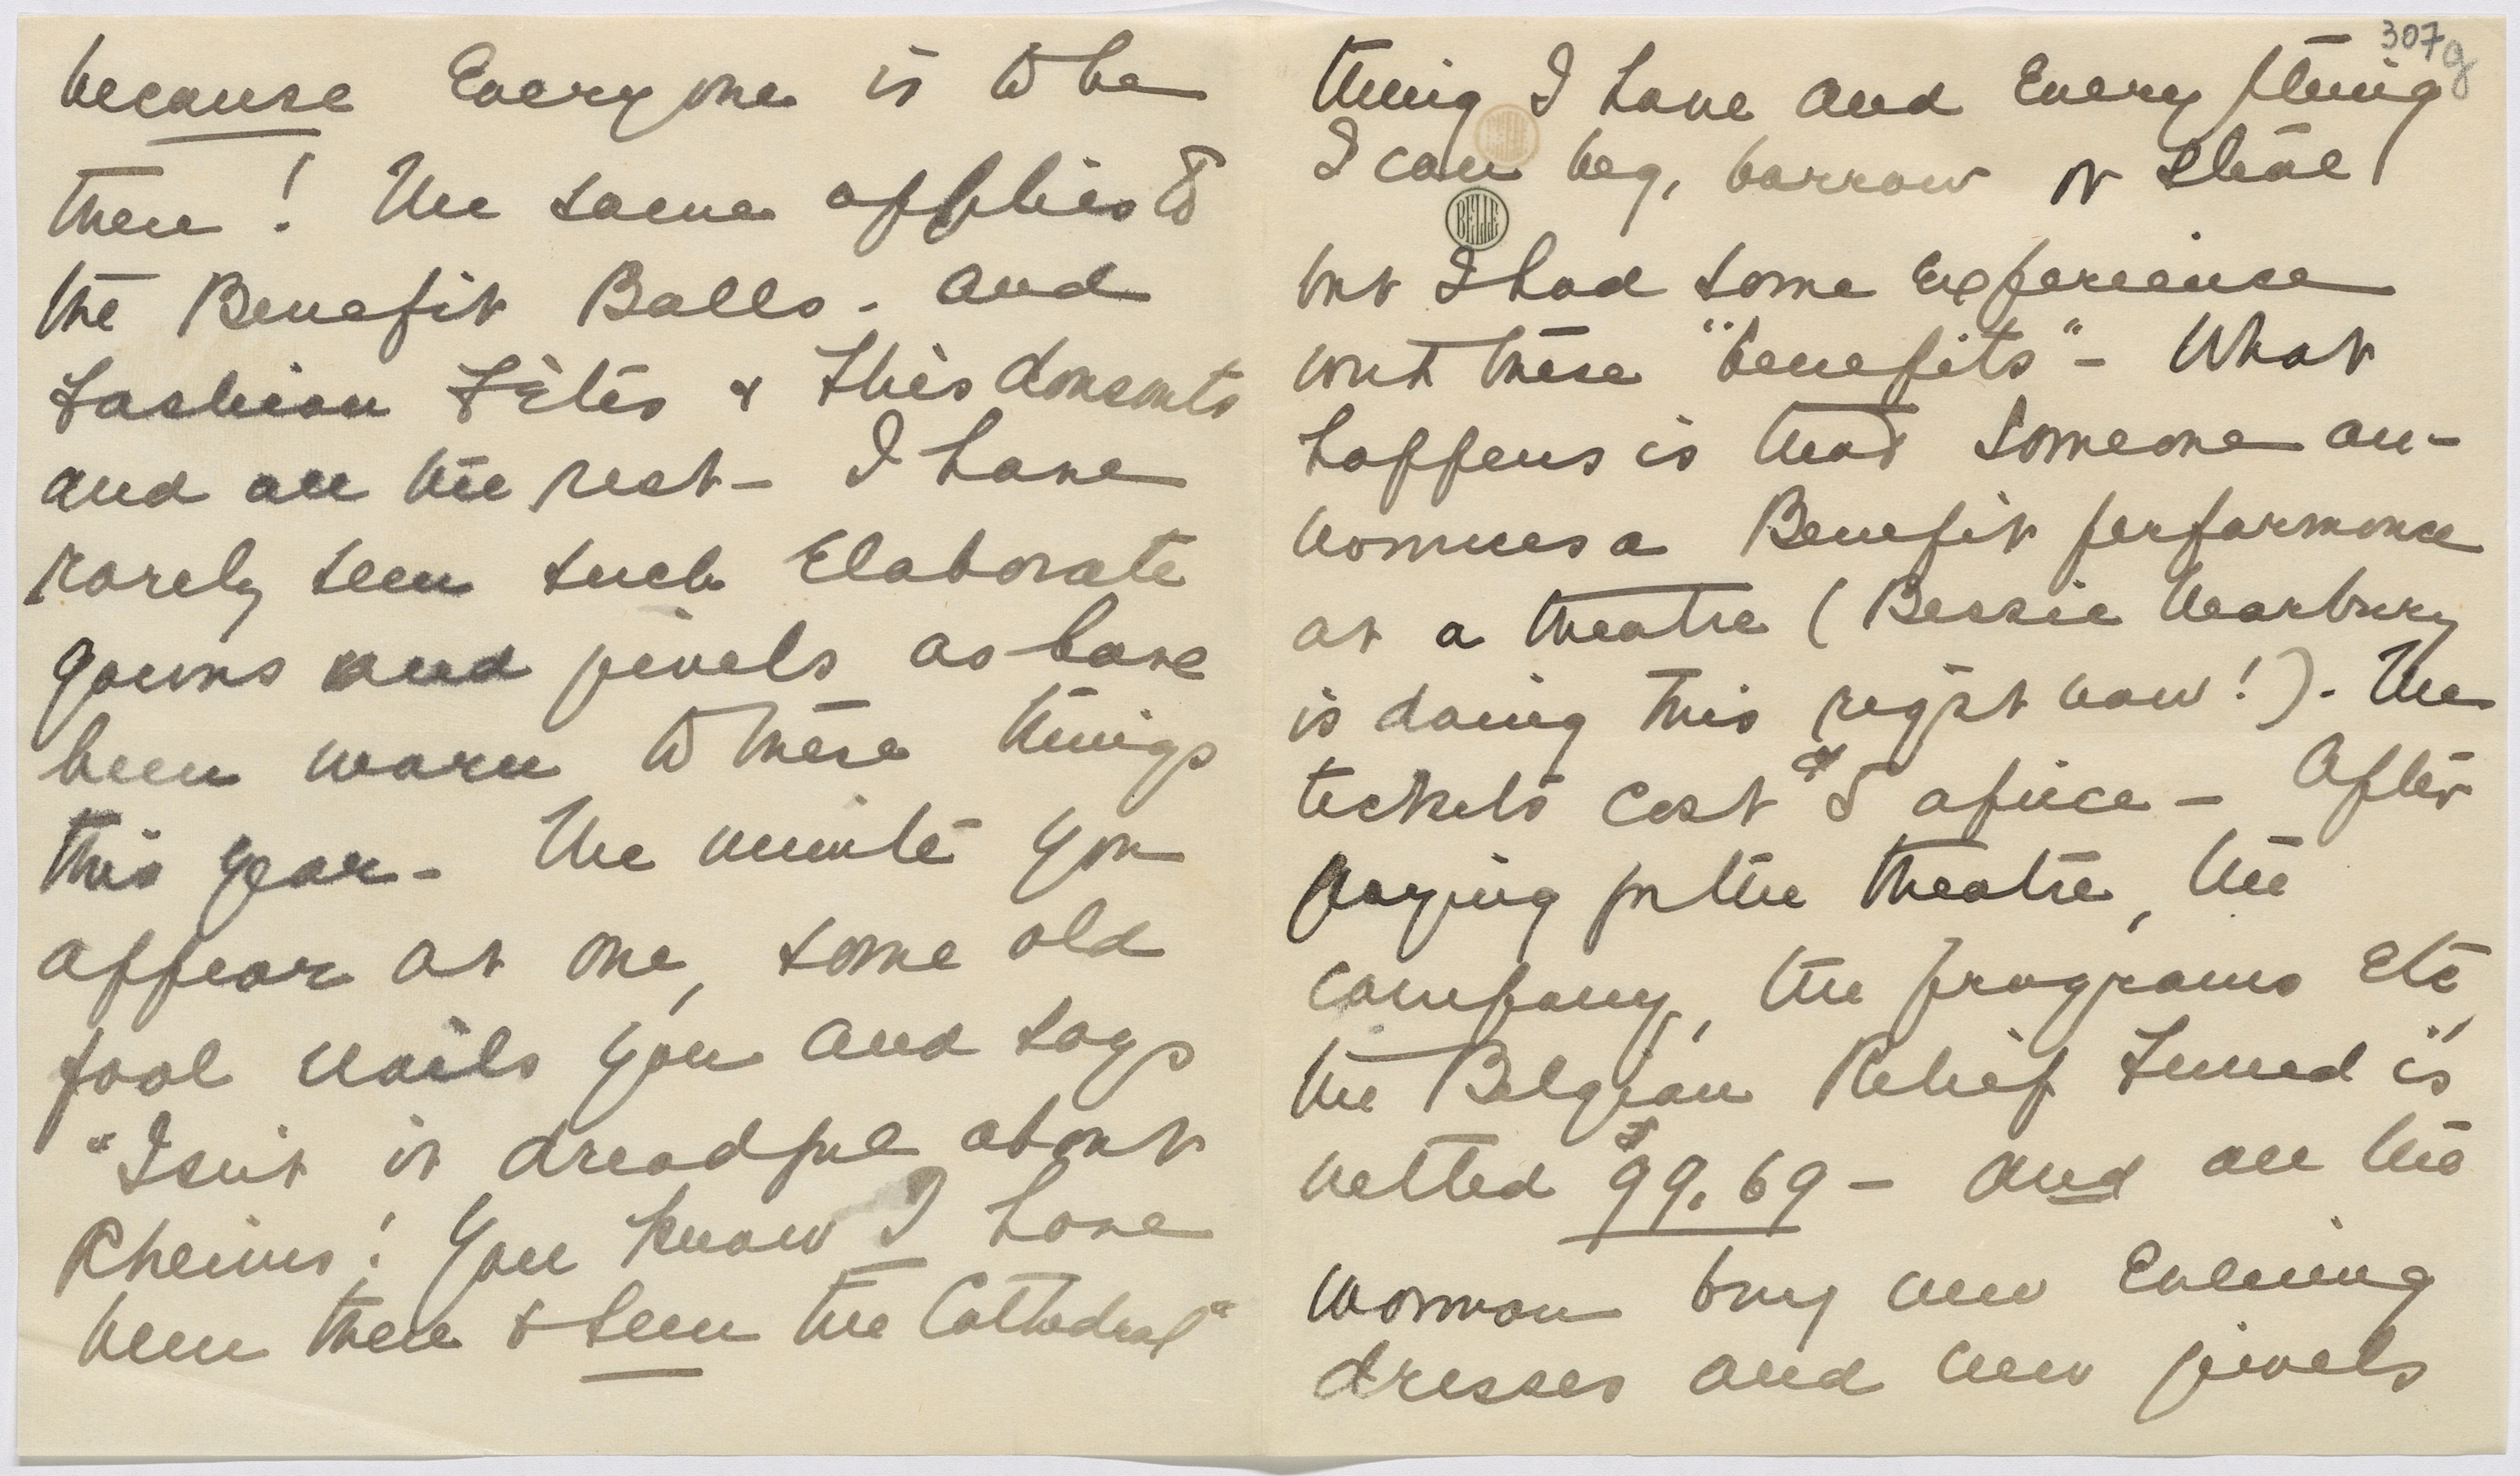thing I have and everything I can beg, borrow or steal but I had some experience with these "benefits” – What happens is that someone announces a Benefit performance at a theatre (Bessie Marbury is doing this right now!) – The tickets cost $5 apiece – After paying for the theatre, the company, the programs etc, the Belgian Relief Fund is netted $99.69 – and all the women buy new evening dresses and new jewels
because everyone is to be there! The same applies to the Benefit Balls – and Fashion Fetes & Thès dansants and all the rest – I have rarely seen such elaborate gowns and jewels as have been worn to these things this year – The minute you appear at one, some old fool nails you and says “Isn’t it dreadful about Rheims! You know I have been there & seen the Cathedral”